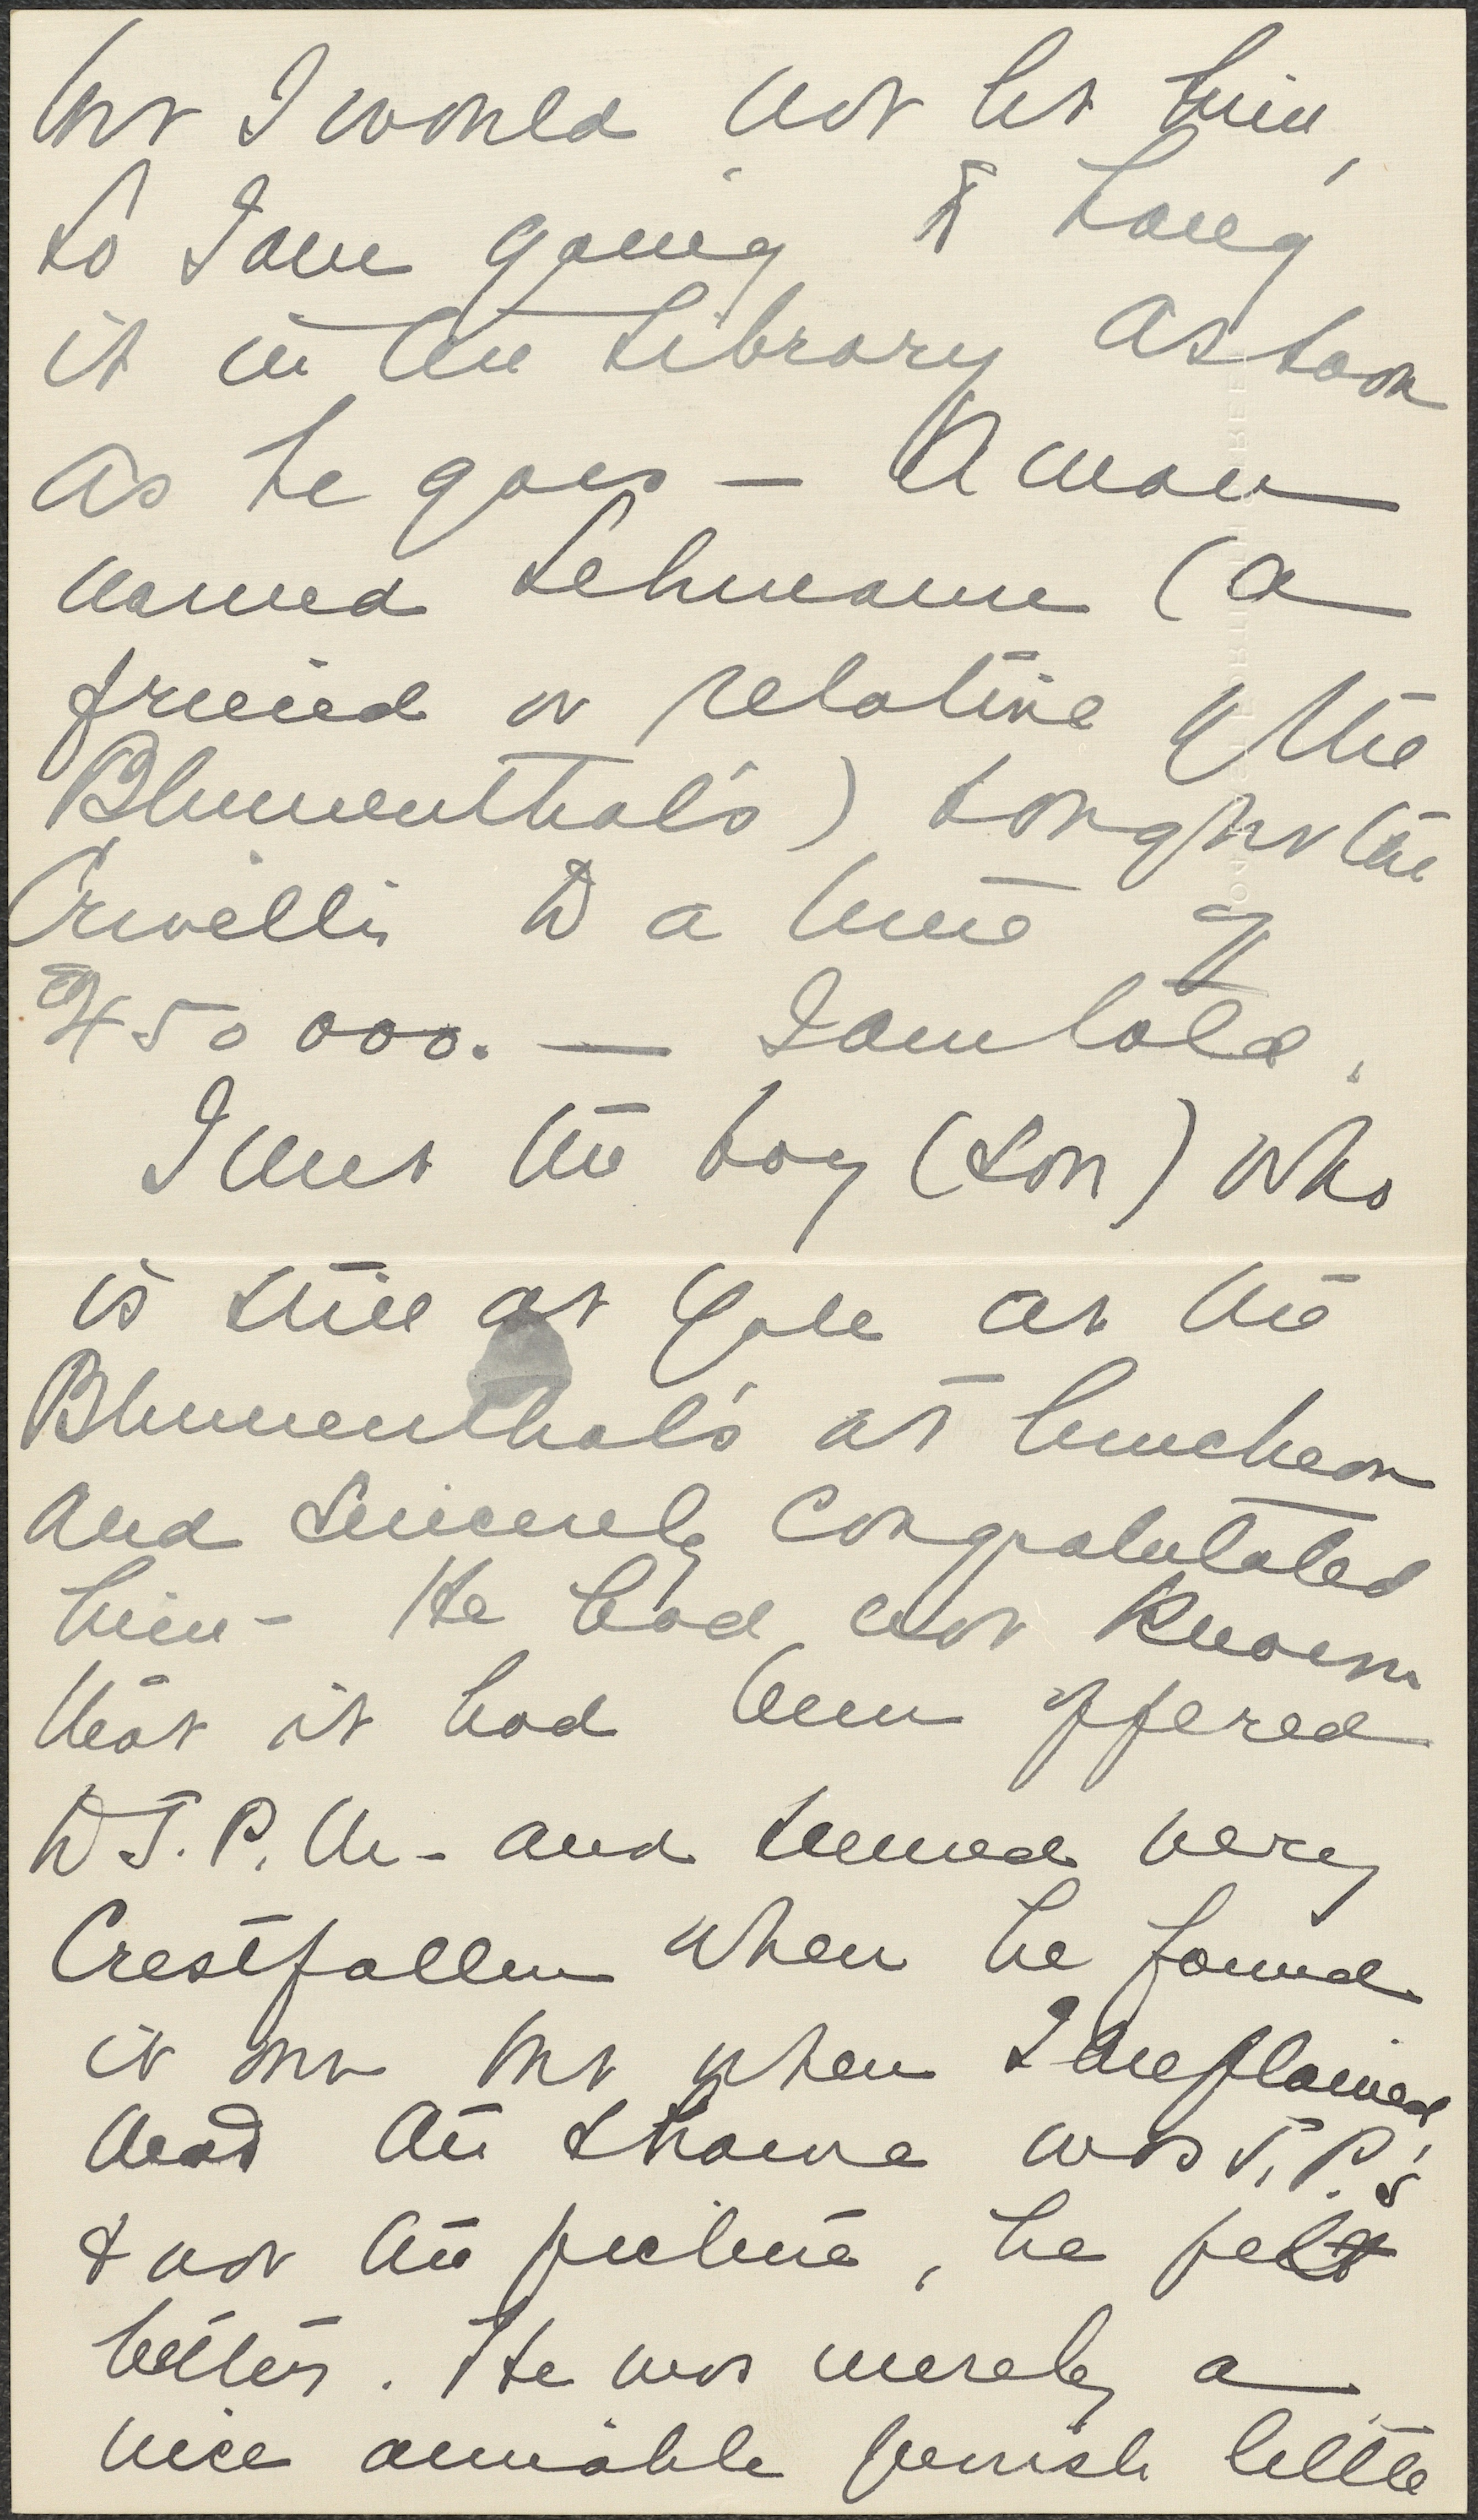but I would not let him, so I am going to hang it in the Library as soon as he goes – a man named Lehmann (a friend or relative of the Blumenthal’s) bought the Crivelli to a tune of $450000. – I am told.
I met the boy (son) who is still at Yale at the Blumenthal’s at luncheon and sincerely congratulated him – He had not known that it had been offered to J. P. M. – and seemed very crestfallen when he found it out but when I explained that the shame was J. P.’s & not the picture, he felt better. He was merely a nice amiable Jewish little